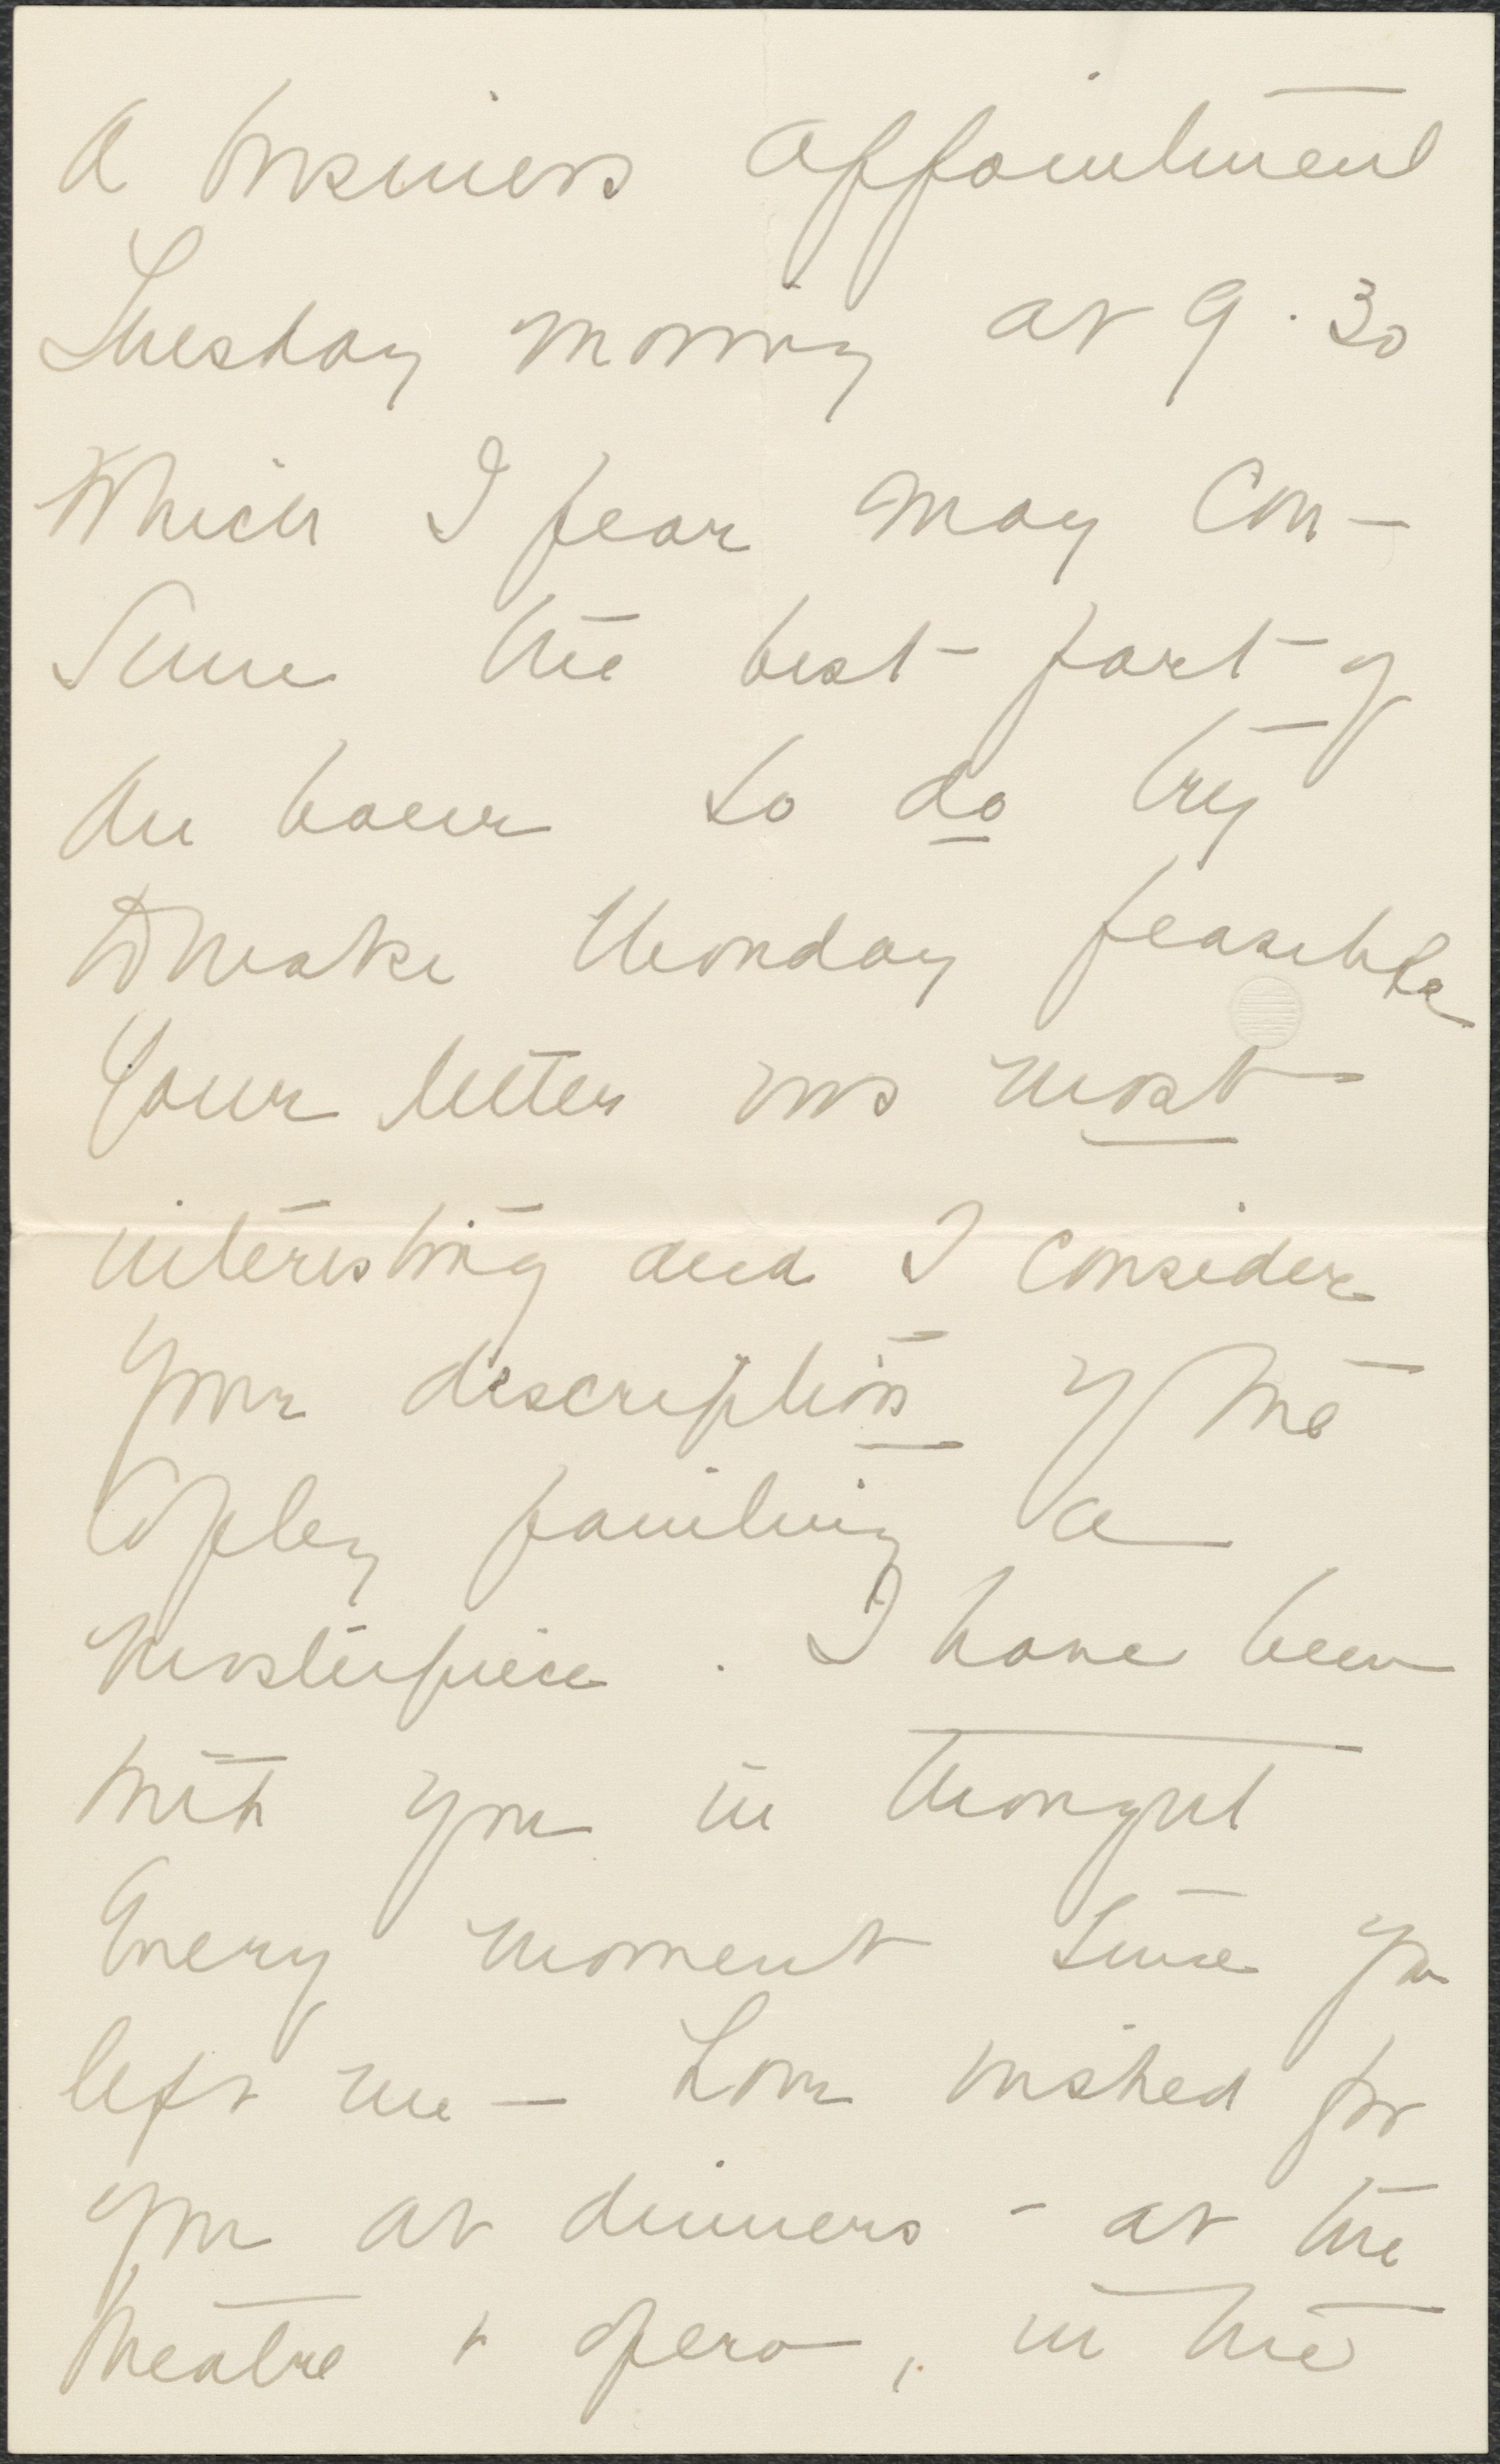a business appointment Tuesday morning at 9.30 which I fear may consume the best part of an hour so do try to make Monday feasible
Your letter was most interesting and I consider your description of the Copley painting a masterpiece. I have been with you in thought every moment since you left me – have wished for you at dinners – at the theatre & opera, in the